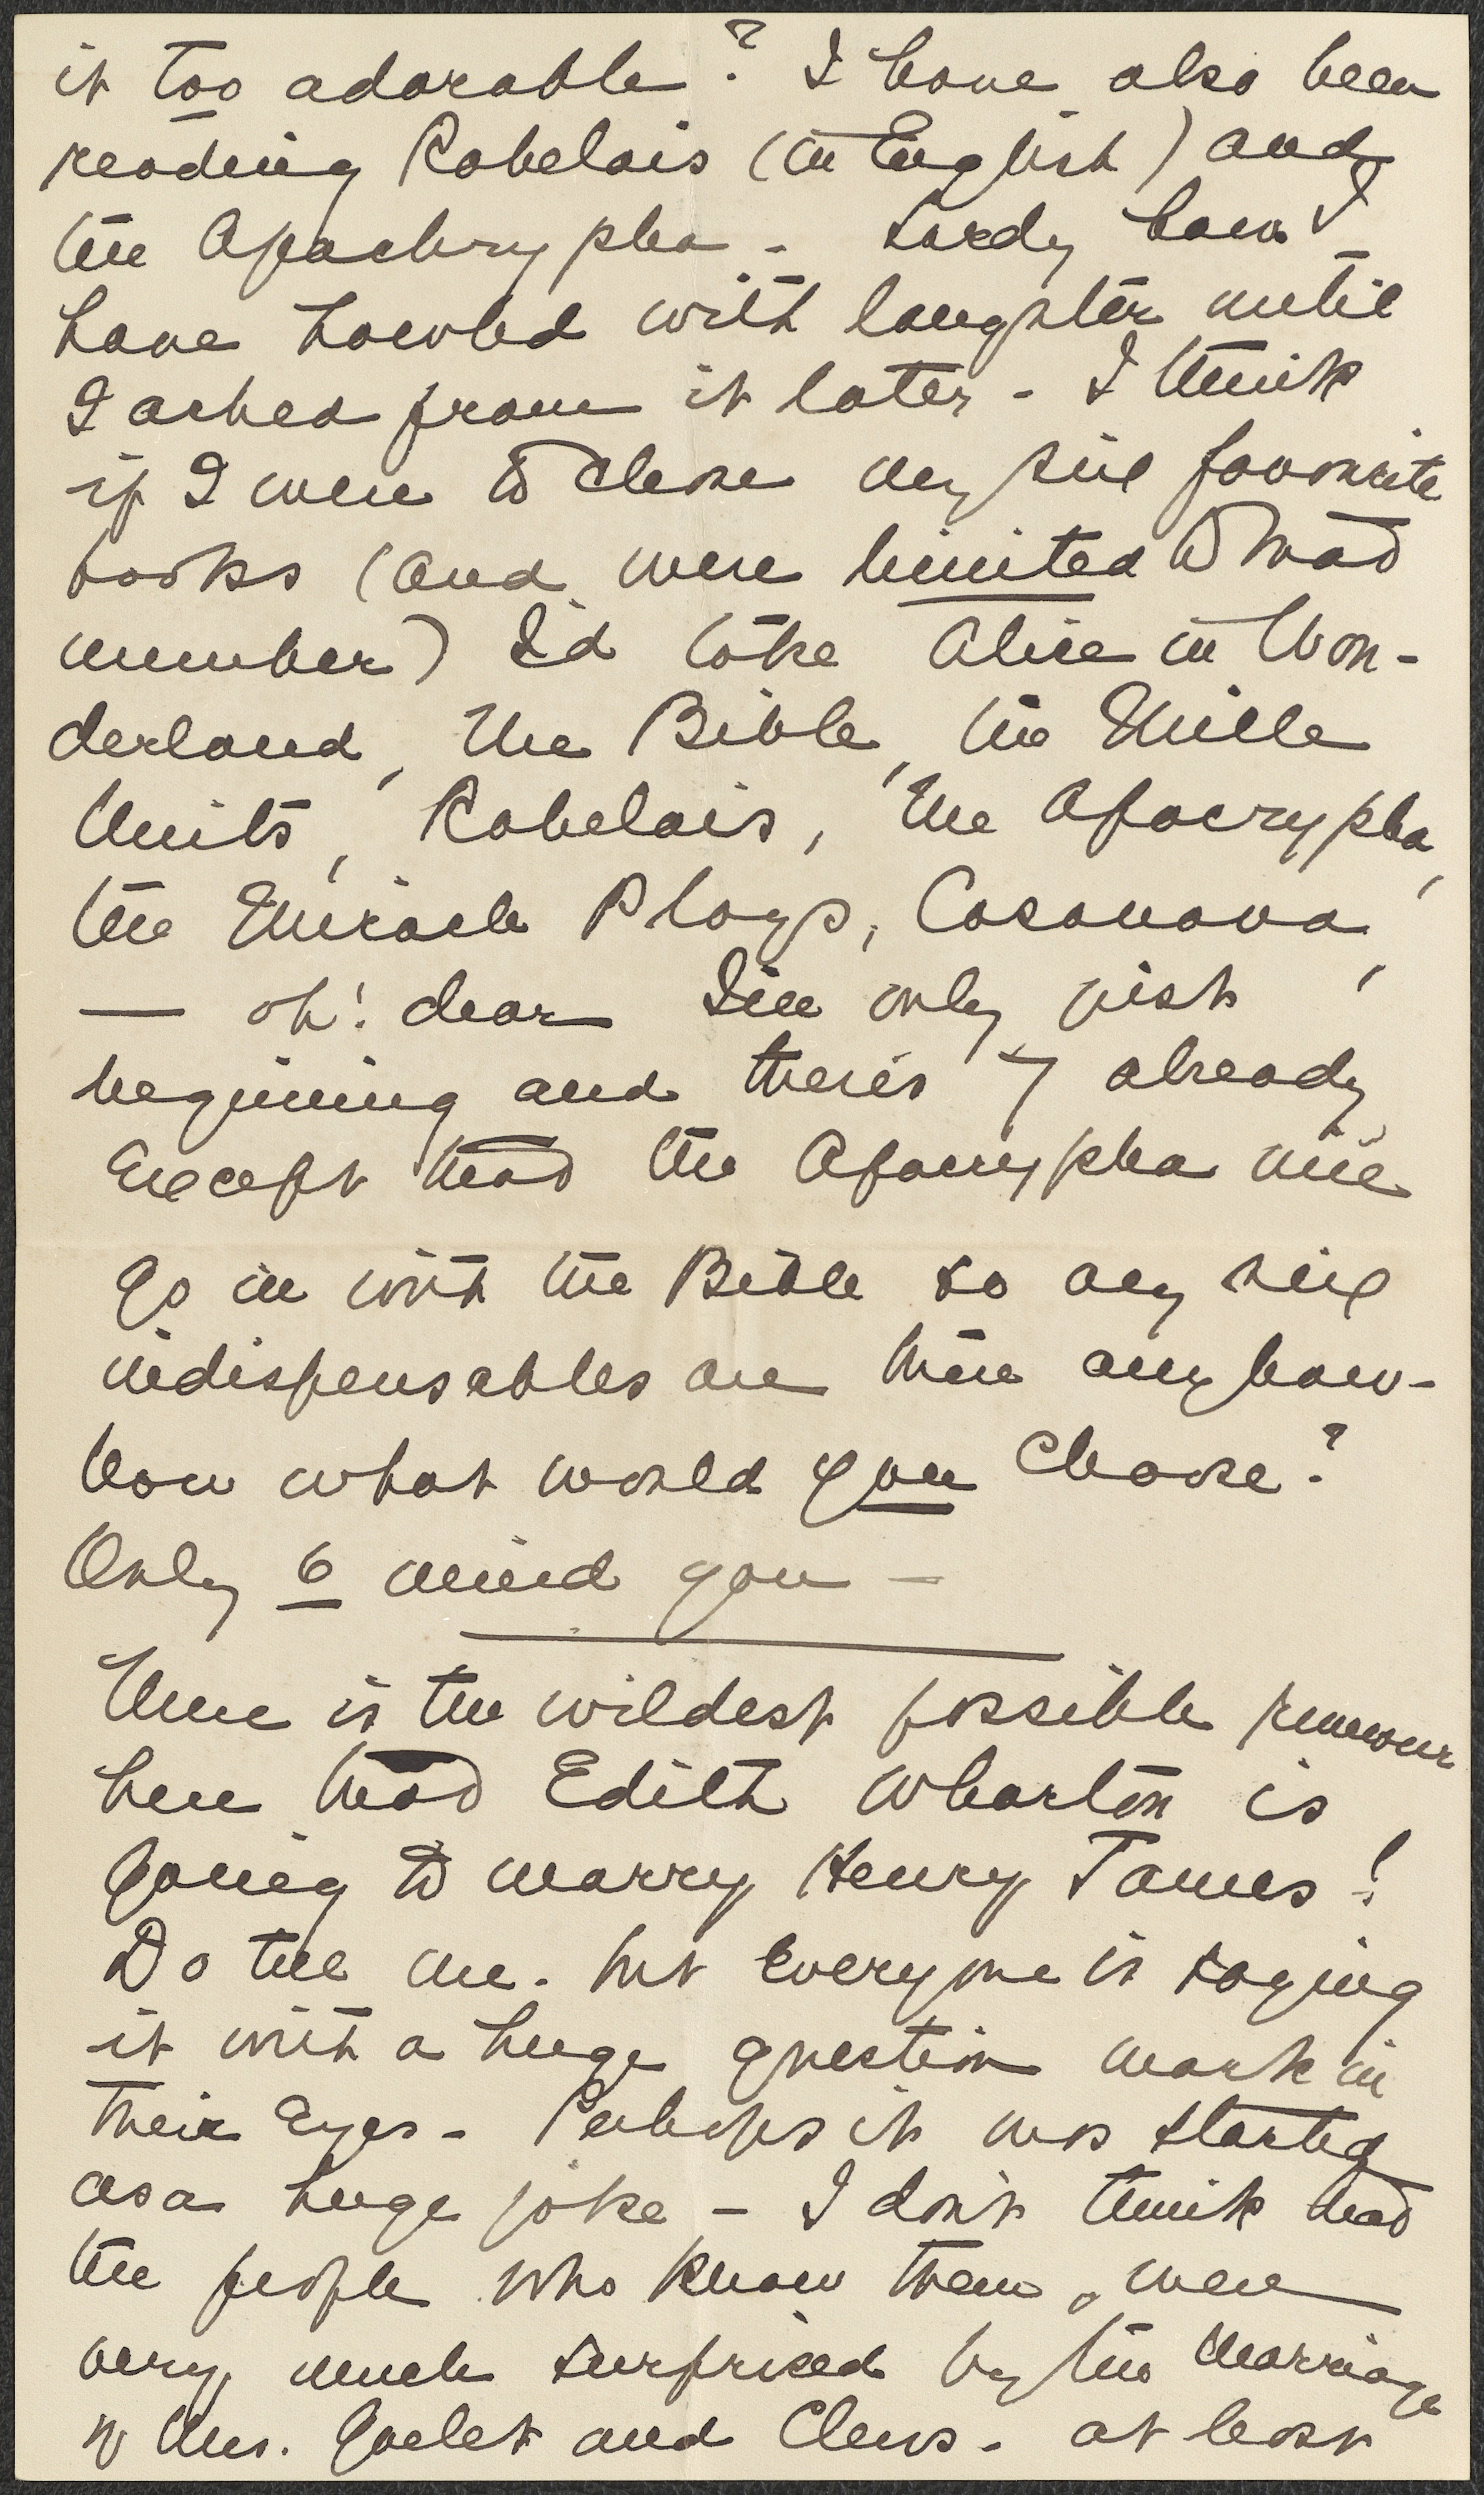it too adorable? I have also been reading Rabelais (in English) and the Apochrypha [sic] – Lordy how I have howled with laughter until I ached from it later – I think if I were to chose my six favorite books (and were limited to that number) I’d take Alice in Wonderland, The Bible, the Mille Nuits, Rabelais, The Apocrypha, the Miracle Plays, Casanova, – oh! dear I’m only just beginning and there’s 7 already except that the Apocrypha will go in with the Bible so my six indispensables are there anyhow – now what would you choose? Only 6 mind you – [line inserted]
There is the wildest possible rumour here that Edith Wharton is going to marry Henry James! Do tell me. but everyone is saying it with a huge question mark in their eyes – Perhaps it was started as a huge joke – I don’t think that the people who know them were very much surprised by the marriage of Mrs. Gaelet and Clevs – at least